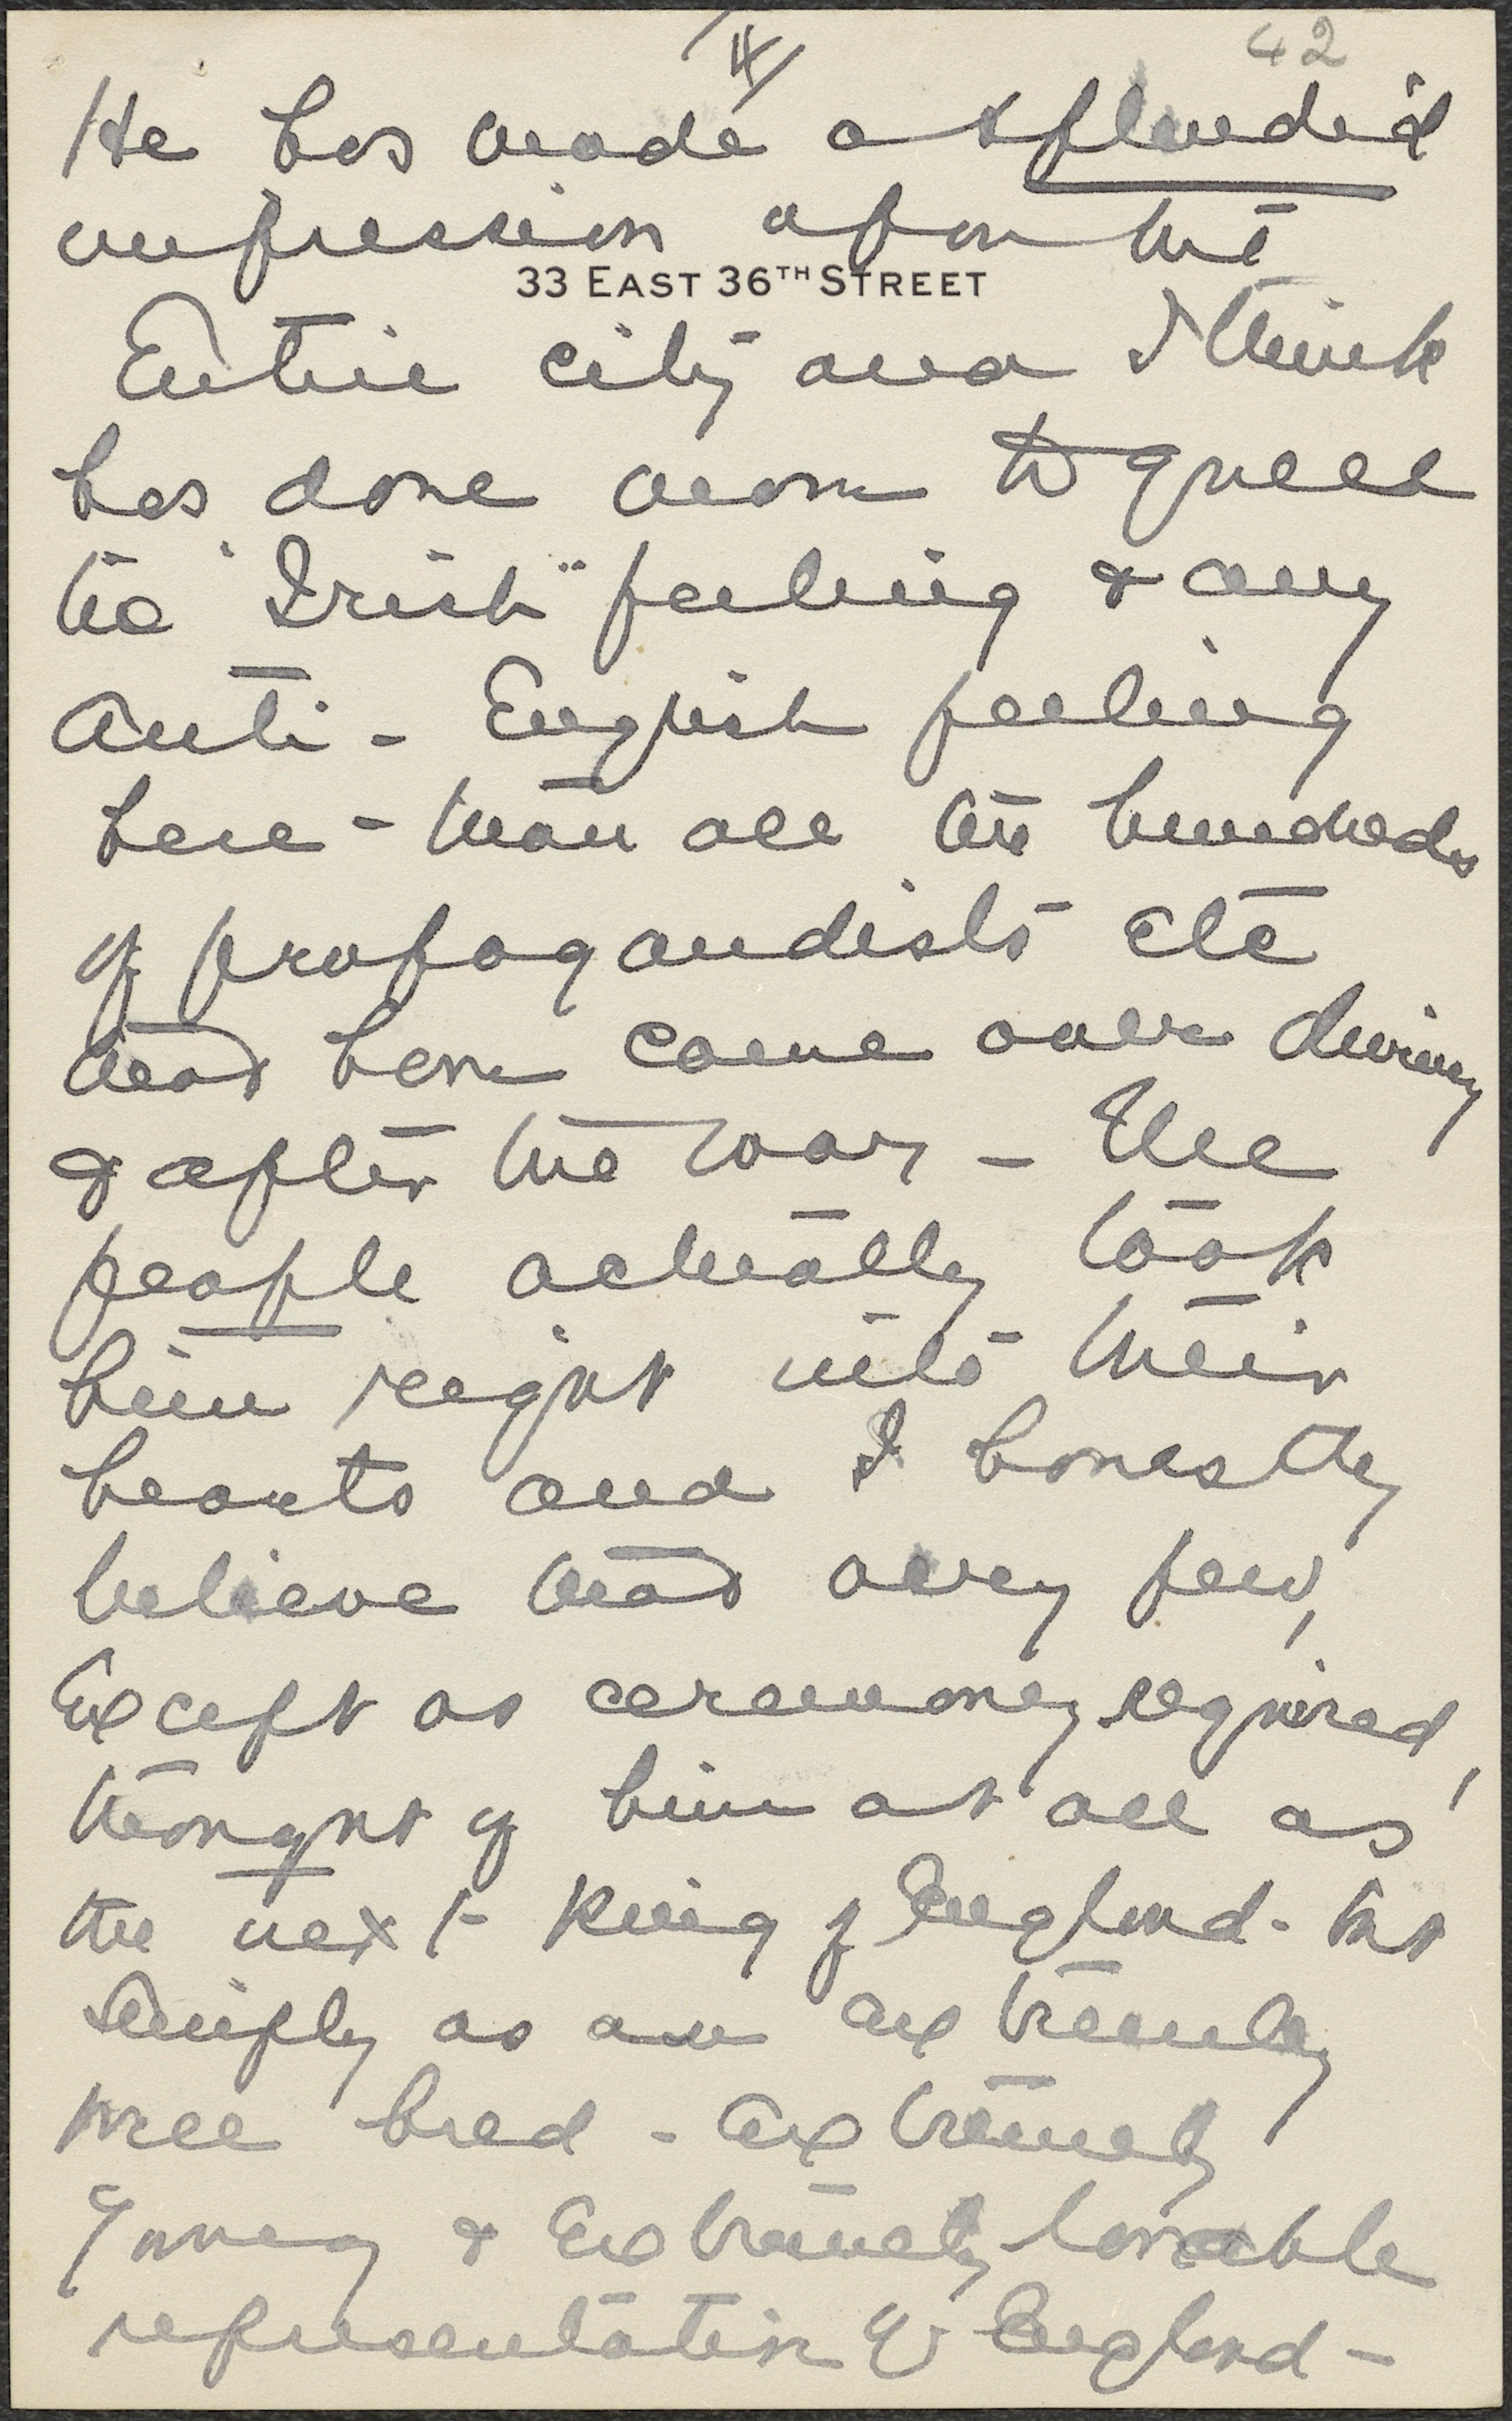He has made a splendid impression upon the entire city and I think has done more to quell the “Irish” feeling & any anti-English feeling here – than all the hundreds of propogandists etc that have come over during & after the War – The people actually took him right into their hearts and I honestly believe that very few, expect as ceremony required, thought of him at all as the next king of England, but simply as an extremely well bred – extremely young & extremely lovable representation of England –